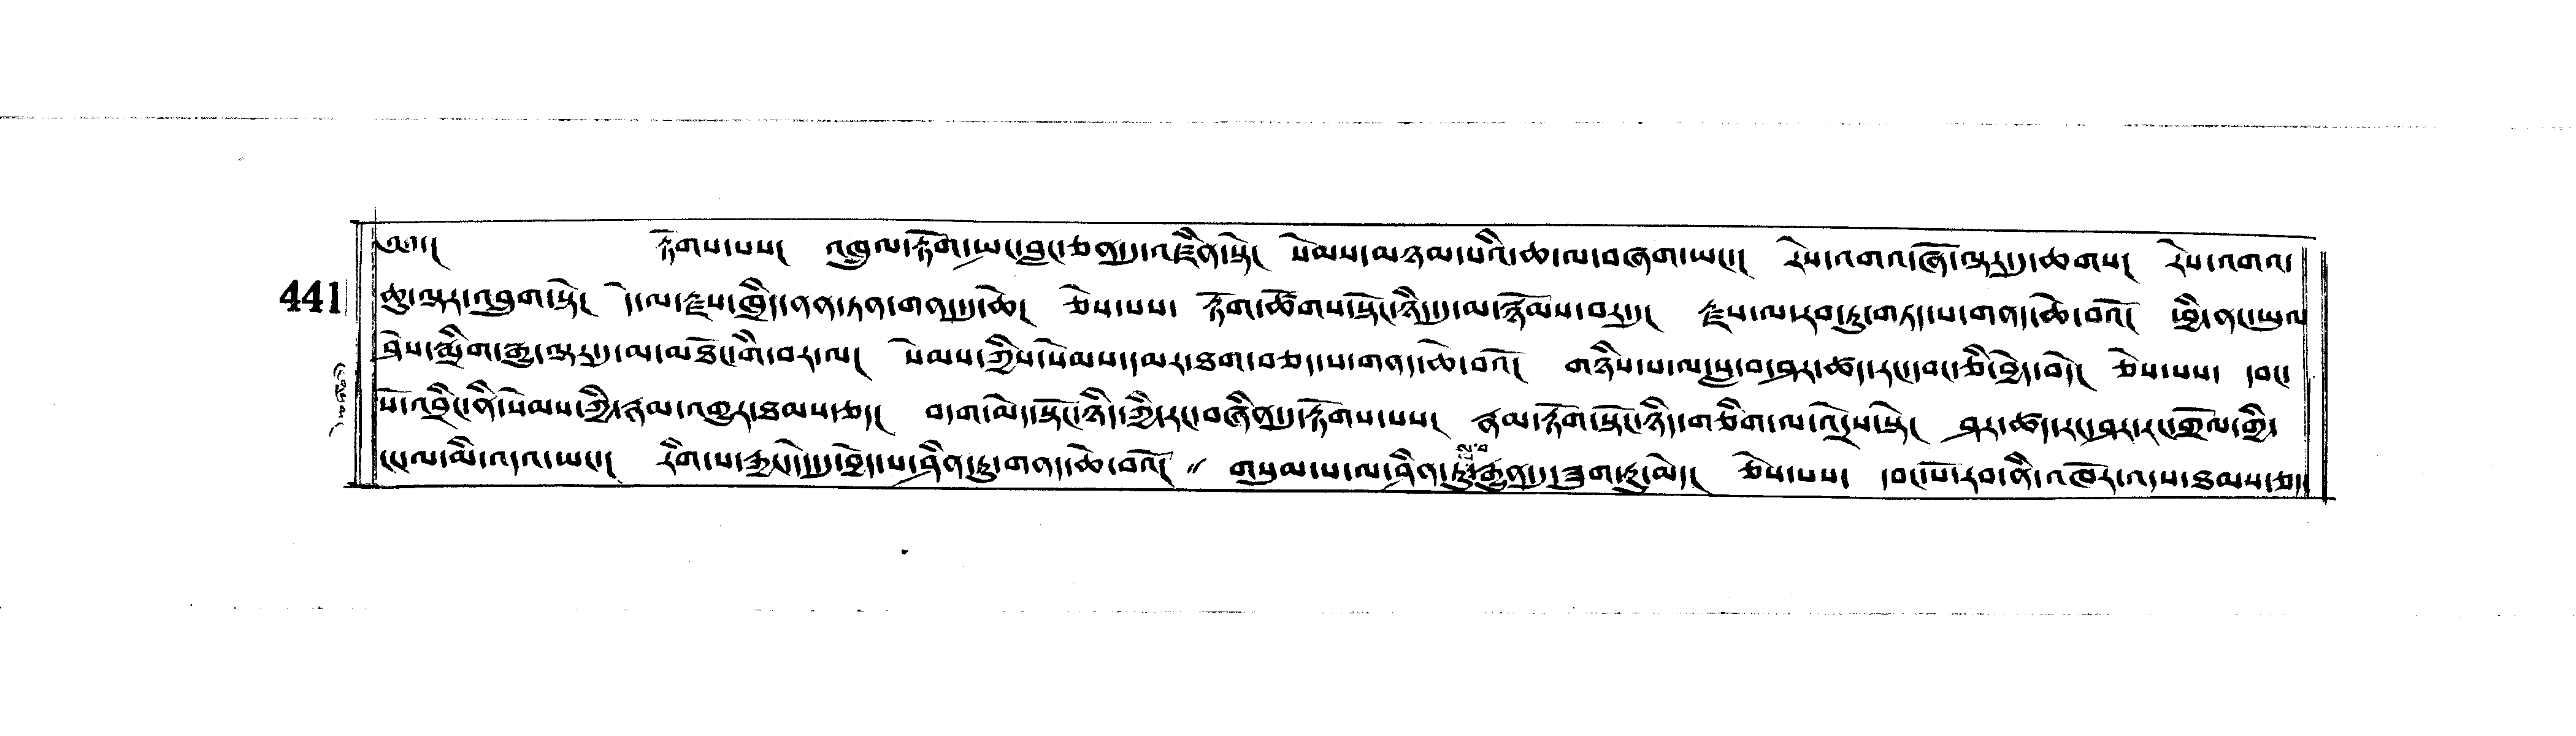རྟོགས་པས། འཁྲུལ་རྟོག་སྤང་བླང་ཅན་དུ་འཛིན་ཏེ། སེམས་མཉམ་པའི་ཆ་ལ་བཞག་ཀྱང་། རེས་འགའ་ཞོ་ལྟར་དུ་ཆགས། རེས་འགའ་
ཆུ་ལྟར་འབྲུག་སྟེ། དེ་ལ་རྫས་ཁྲིད་ནན་ཏན་གནད་དུ་ཆེ། ཅེས་པས། རྟོག་ཚོགས་སྟོང་ཉིད་དུ་མ་སྙོམས་བར་དུ། རྫས་ལ་རབ་ཏུ་གཏད་པ་གལ་ཆེ་བའོ། ཕྱི་ནང་ཡུལ་
ཤེས་སྨྲིག་སྒྱུ་ལྟར་དུ་མ་མཐོང་གི་བར་ལ། སེམས་ཀྱིས་སེམས་དམར་ཐག་བཅད་པ་གནད་ཆེ་བའོ། གཉིས་པ་སླ་བ་ཤར་ཚད་རང་དབང་ཅི་བྱེད་བདེ། ཅེས་པས། དབང་
པོ་འབྲིང་ནི་སེམས་ཀྱི་རྣམ་འགྱུར་ཐམས་ཅད། བདག་མེད་སྟོང་ཉིད་ཀྱི་རང་བཞིན་དུ་རྟོགས་པས། རྣམ་རྟོག་སྟོང་ཉིད་གཅིག་ལ་འདྲེས་ཏེ། ཤར་ཚད་རང་ཤར་རང་གྲོལ་གྱི་
ངང་ལ་མི་འདའ་ཡང་། རིག་པ་རྐྱང་དེད་དུ་བྱེད་པ་ཤིན་ཏུ་གནད་ཆེ་བའོ། གསུམ་པ་ལ་ཤིན་ཏུ་སླ་བ་རྒྱུན་དུ་ཟུག་རྔུ་མེད། ཅེས་པས། དབང་པོ་རབ་ནི་འཁོར་འདས་ཐམས་ཅད།